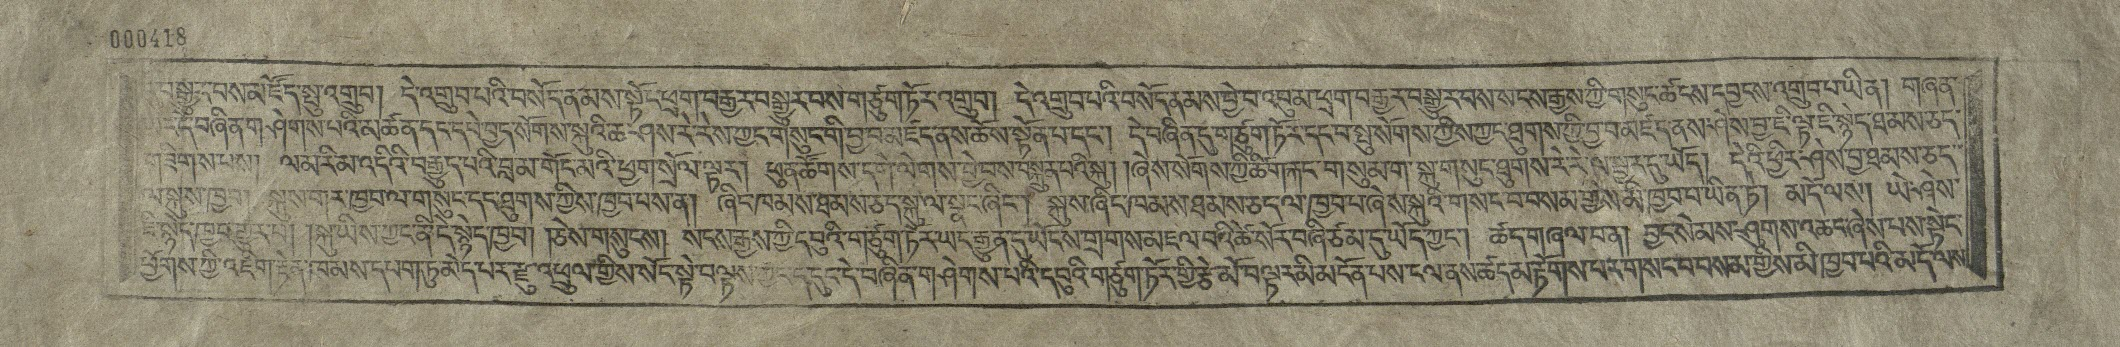དུ་བསྒྱུར་བས་མཛོད་སྤུ་འགྲུབ། དེ་འགྲུབ་པའི་བསོད་ནམས་སྟོང་ཕྲག་བརྒྱར་བསྒྱུར་བས་གཙུག་ཏོར་འགྲུབ། དེ་འགྲུབ་པའི་བསོད་ནམས་བྱེ་བ་འབུམ་ཕྲག་བརྒྱར་བསྒྱུར་བས་སངས་རྒྱས་ཀྱི་གསུང་ཚངས་དབྱངས་འགྲུབ་པ་ཡིན། གཞན་
ཡང་དེ་བཞིན་གཤེགས་པའི་མཚན་དང་དཔེ་བྱད་སོགས་སྐུའི་ཆ་ཤས་རེ་རེས་ཀྱང་གསུང་གི་བྱ་བ་མཛད་ནས་ཆོས་སྟོན་པ་དང་། དེ་བཞིན་དུ་གཙུག་ཏོར་དང་བ་སྤུ་སོགས་ཀྱིས་ཀྱང་ཐུགས་ཀྱི་བྱ་བ་མཛད་ནས་ཤེས་བྱ་ཇི་ལྟ་ཇི་སྙེད་ཐམས་ཅད་
གཟིགས་པས། ལམ་རིམ་འདིའི་བརྒྱུད་པའི་བླ་མ་གོང་མའི་ཕྱག་སྲོལ་ལྟར། ཕུན་ཚོགས་དགེ་ལེགས་བྱེ་བས་བསྐྲུན་པའི་སྐུ། །ཞེས་སོགས་ཀྱི་ཚིག་རྐང་གསུམ་ག་སྐུ་གསུང་ཐུགས་རེ་རེ་ལ་སྦྱར་དུ་ཡོད། དེའི་ཕྱིར་ཤེས་བྱ་ཐམས་ཅད་
ལ་སྐུས་ཁྱབ། སྐུས་གར་ཁྱབ་ལ་གསུང་དང་ཐུགས་ཀྱིས་ཁྱབ་པས་ན། ཞིང་ཁམས་ཐམས་ཅད་སྐུ་ལ་སྣང་ཞིང་། སྐུས་ཞིང་ཁམས་ཐམས་ཅད་ལ་ཁྱབ་པ་ཞེས་སྐུའི་གསང་བ་བསམ་གྱིས་མི་ཁྱབ་པ་ཡིན་ཏེ། མདོ་ལས། ཡེ་ཤེས་
ཇི་སྙེད་ཁྱབ་གྱུར་པ། །སྐུ་ཡིས་ཀྱང་ནི་དེ་སྙེད་ཁྱབ། །ཅེས་གསུངས། སངས་རྒྱས་ཀྱི་དབུའི་གཙུག་ཏོར་ཡང་རྒྱུན་དུ་ཡོངས་གྲགས་མཇལ་བའི་ཚེ་སོར་བཞི་ཙམ་དུ་ཡོད་ཀྱང་། ཚད་གཞལ་བ་ན། བྱང་སེམས་ཤུགས་འཆང་ཞེས་པས་སྟེང་
ཕྱོགས་ཀྱི་འཇིག་རྟེན་ཁམས་དཔག་ཏུ་མེད་པར་རྫུ་འཕྲུལ་གྱིས་སོང་སྟེ་བལྟས་ཀྱང་ད་དུང་དེ་བཞིན་གཤེགས་པའི་དབུའི་གཙུག་ཏོར་གྱི་རྩེ་མོ་བལྟར་མི་མངོན་པས་ངལ་ནས་ཚད་མ་རྟོགས་པར་གསང་བ་བསམ་གྱིས་མི་ཁྱབ་པའི་མདོ་ལས་